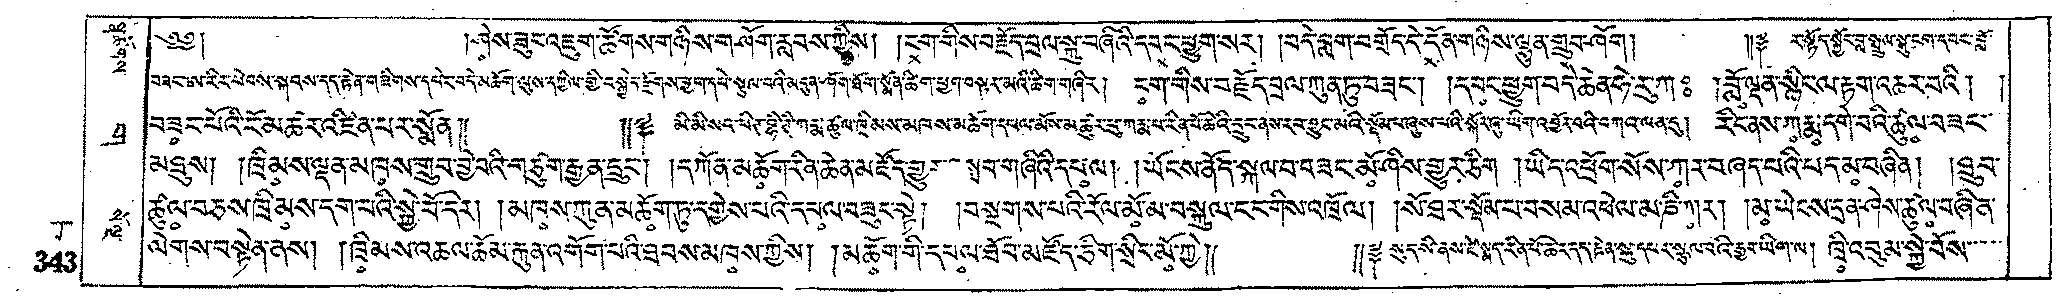༄༅། །ཤེས྾་ཟུང་འཇུག་ཚོགས་གཉིས་གཤོག་རླབས་ཀྱིས། །ངག྾་གིས་བརྗོད་བྲལ་སྐུ་བཞིའི་དབང་ཕྱུག་སར། །བདེ་བླག་བགྲོད་དེ་དོན་གཉིས་ལྷུན་གྲུབ་ཤོག ། །། འ་ར་སྟོད་སྐྱོང་བླ་སྤྲུལ་སྐུ་ངག་དབང་བློ་
བཟང་ཨ་རིར་ཕེབས་སྐབས་དད་རྟེན་གཟིགས་དཔེར་བདེ་མཆོག་ལུས་དཀྱིལ་གྱི་བསྐྱེད་རྫོགས་ཕྱག་དཔེ་སྩལ་བའི་མདུན་ཤོག་ཐོག་སྨོན་ཚིག་ཕྱག་བསྟར་མའི་ཚིག་གཞིར། ངག྾་གིས་བརྗོད་བྲལ་ཀུན་ཏུ་བཟང་། །དབང྾་ཕྱུག་བདེ་ཆེན་ཧེ་རུ་ཀཿ །བློ྾་ལྡན་སྙིང་ལ་རྟག་འཆར་བའི། །
བཟང྾་པོའི་ངོ་མཚར་འཛིན་པར་སྨོན།། །། འ་མི་མི་སབ་ཕིཊ་བྷི་ཊི་ཀརྨ་ཚུལ་ཁྲིམས་མཁས་མཆོག་དཔལ་མོས་མཚུར་ཕུ་ཀརྨ་པ་རིན་པོ་ཆེའི་དྲུང་ནས་རབ་བྱུང་མའི་སྡོམ་པ་ཞུས་པའི་སྐོར་ཞུ་ཡིག་འབྱོར་བའི་བཀའ་ལན་དུ།  རིང་ནས་ཀརྨ྾་དགེ་བའི་ཚུལ྾་བཟང་་་
མཐུས། །ཁྲིམས྾་ལྡན་མཁས྾་གྲུབ་བྱེ་བའི་གཙུག་རྒྱན་དྲུང་། །དཀོན་མཆོག྾་རིན་ཆེན་མཛོད་གྱུར་བསླབ་གཞིའི་དཔལ྾། །ཡོངས་ནོད་སྐལ་བ་བཟང་མོ྾་ཤིས་གྱུར་ཅིག །ཡིད་འཕྲོག་སོས་ཀར྾་བཞད་པའི་པད་མ྾་བཞིན། །ཐུབ་
ཚུལ྾་བཅས་ཁྲིམས྾་དག་པའི་སྐྱེ་བོ་དེར། །མཁས྾་ཀུན་མཆོག྾་ཏུ་དགྱེས་པའི་དཔལ྾་བཟུང་སྟེ། །བསྔགས་པའི་རོལ་མོ྾་མ་བསྐུལ་ངང་གིས་འཁྲོལ། །སོ་ཐར་སྡོམ་པ་བསམ་འཕེལ་མ་ཎི་ཀར྾། །མ྾་ཡེངས་དྲན་ཤེས་ཚུལ྾་བཞིན་
ལེགས་བསྟེན་ནས། །ཁྲིམས྾་འཆལ་ཆོམ་རྐུན་འགོག་པའི་ཐབས་མཁས྾་ཀྱིས། །མཆོག྾་གི་དཔལ྾་ཐོབ་མཛོད་ཅིག་སྲིང་མོ྾་ཀྱེ།། །། འ་སུད་སི་ནས་ཛེ་སྨད་རིན་པོ་ཆེར་དད་རྟེན་སྐུ་དཔར་སྩལ་བའི་རྒྱབ་ཡིག་ལ།  ཁྲི྾་འབུམ་སྐྱེ་བོས་་་